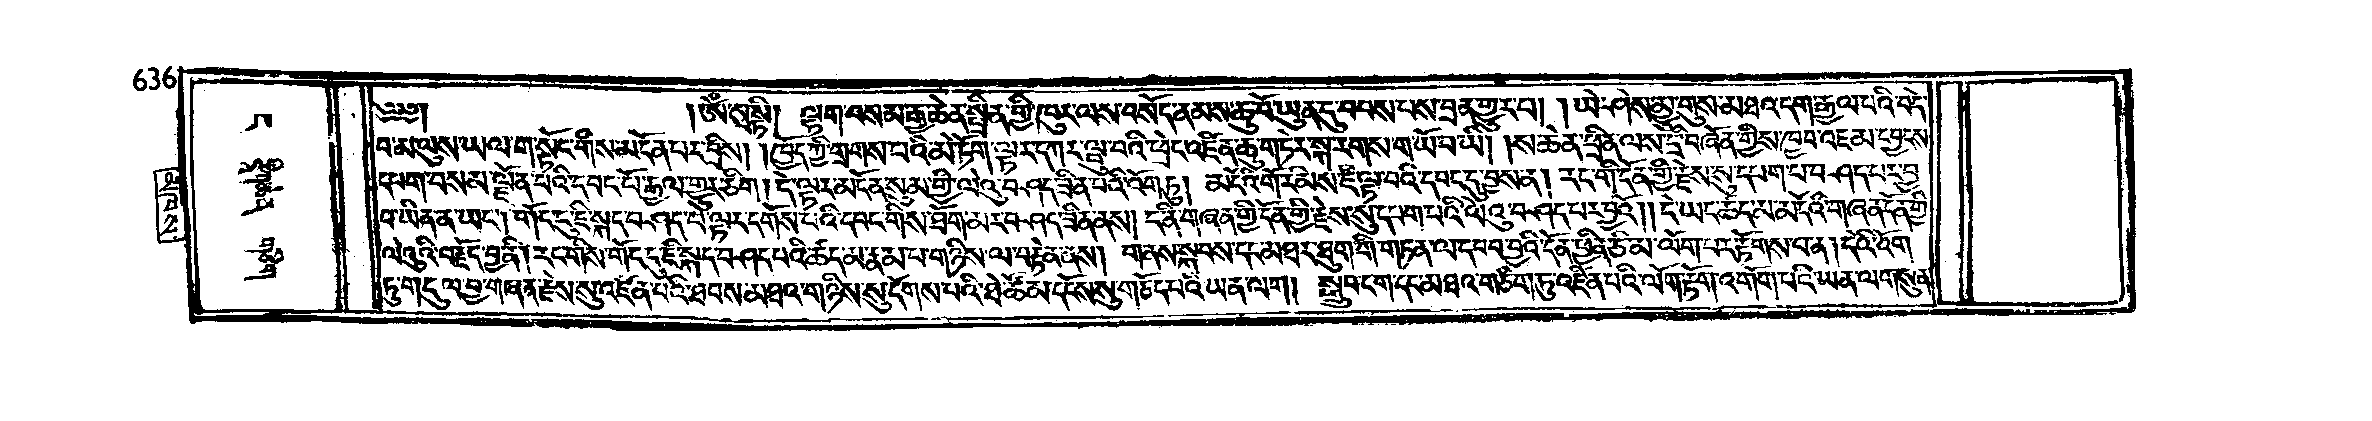༄༅། །ཨོཾ་སVཨ་སྟི། ལྷག་བསམ་རྒྱ་ཆེན་སྤྲིན་གྱི་ཁུར་ལས་བསོད་ནམས་ཆུ་བོ་ཡུན་དུ་བབས་པས་བྲན་གྱུར་བ། །ཡེ་ཤེས་མྱུ་གུས་མཐའ་དག་རྒྱལ་བའི་བདེ་
བ་མ་ལུས་ཡལ་ག་སྟོང་གིས་མངོན་པར་བྲིས། །ཁྱོད་ཀྱི་གྲགས་པའི་མེ་ཏོག་ལྟར་དཀར་ལྦུ་བའི་ཕྲེང་འཛིན་ཆུ་གཏེར་སྐ་རགས་གཡོ་བ་ཡི། །ས་ཆེན་ཕྲིན་ལས་དྲི་བཞོན་གྱིས་ཁྱབ་འཇམ་དབྱངས་
དཔག་བསམ་ལྗོན་པའི་དབང་པོ་རྒྱལ་གྱུར་ཅིག །དེ་ལྟར་མངོན་སུམ་གྱི་ལེའུ་བཤད་ཟིན་པའི་འོག་ཏུ། མདོའི་གོ་རིམས་ཇི་ལྟ་བའི་དབང་དུ་བྱས་ན། རང་གི་དོན་གྱི་རྗེས་སུ་དཔག་པ་བཤད་པར་བྱ་
བ་ཡིན་ན་ཡང་། གོང་དུ་ཇི་སྐད་བཤད་པ་ལྟར་དགོས་པའི་དབང་གིས་ཐོག་མར་བཤད་ཟིན་ནས། ད་ནི་གཞན་གྱི་དོན་གྱི་རྗེས་སུ་དཔག་པའི་ལེའུ་བཤད་པར་བྱའོ། །དེ་ཡང་ཚད་མ་མདོའི་གཞན་དོན་གྱི་
ལེའུའི་བརྗོད་བྱ་ནི། རང་གིས་གོང་དུ་ཇི་སྐད་བཤད་པའི་ཚད་མ་རྣམ་པ་གཉིས་ལ་བརྟེན་ནས། གནས་སྐབས་དང་མཐར་ཐུག་གི་གཏན་ལ་དབབ་བྱའི་དོན་ཕྱིན་ཅི་མ་ལོག་པར་རྟོགས་པ་ན། དེའི་འོག་
ཏུ་གདུལ་བྱ་གཞན་རྗེས་སུ་འཛིན་པའི་ཐབས་མཐའ་གཉིས་སུ་དོགས་པའི་ཐེ་ཚོམ་དངོས་སུ་གཅོད་པའི་ཡན་ལག། སྒྲུབ་ངག་དང་མཐའ་གཅིག་ཏུ་འཛིན་པའི་ལོག་རྟོག་འགོག་པའི་ཡན་ལག་སུན་